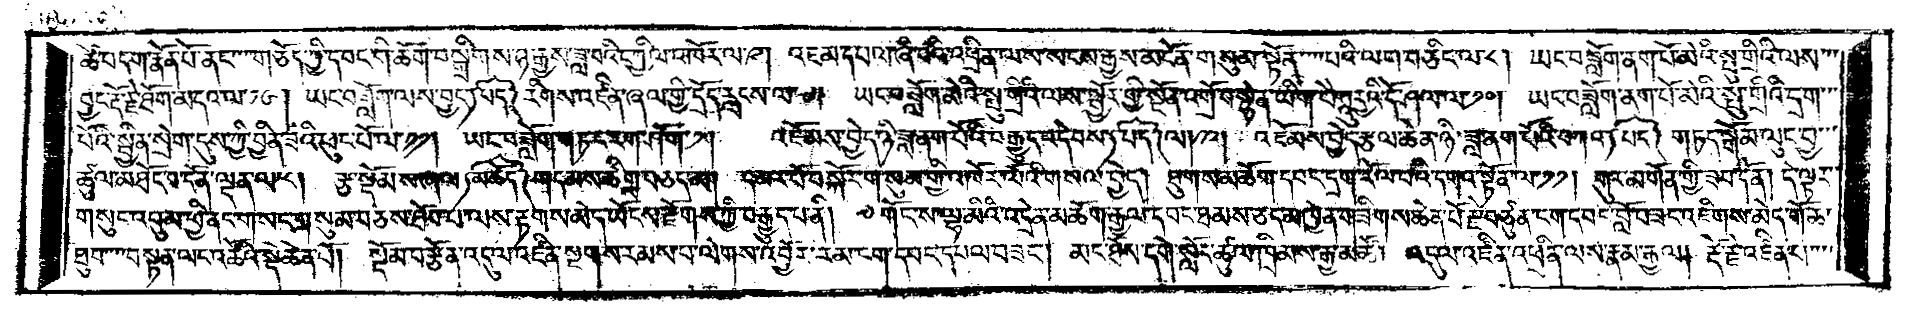ཚེ་བདག་རྣོན་པོ་ནང་གཅོད་ཀྱི་དབང་གི་ཆོག་བསྒྲིགས་ཉ་རྒྱས་ཟླ་བའི་དཀྱིལ་འཁོར་ལ ༩། འཇམ་དཔལ་ཞི་བའི་འཕྲིན་ལས་སངས་རྒྱས་མངོན་གསུམ་སྟོན་པའི་ལག་བཅིང་ལ ༨། ཡང་བཟློག་ནག་པོ་མེའི་སྤུ་གྲིའི་ལས་
བྱང་རྡོ་རྗེ་ཐོག་མདའ་ལ ༡༦། ཡང་བཟློག་ལས་བྱང ༼པད༽ རིགས་འཛིན་ཞལ་གྱི་དྲོད་རླངས་ལ ༧། ཡང་བཟློག་མེའི་སྤུ་གྲིའི་ལས་སྦྱོར་གྱི་སྔོན་འགྲོ་བསྙེན་ཡིག་བཻཊཱུརྱའི་དོ་ཤལ་ལ ༡༠། ཡང་བཟློག་ནག་པོ་མེའི་སྤུ་གྲིའི་དྲག་
པོའི་སྦྱིན་སྲེག་དུས་ཀྱི་བྱིན་ཟའི་ཕུང་པོ་ལ ༡༡། ཡང་བཟློག་གཏང་རག་ཤོག ༡། འཇོམས་བྱེད་ཉི་ཟླ་ནག་པོའི་བརྒྱུད་འདེབས ༼པད༽ ལ། ༣། འཇོམས་བྱེད་རྩལ་ཆེན་ཉི་ཟླ་ནག་པོའི་བཀའ ༼པད༽ གཏད་སྒོམ་ལུང་བྱ་
ཚུལ་མཐོང་བ་དོན་ལྡན་ལ ༨། རྩ་སྡོམས་ཞལ ༼མཆོད༽ གདམས་ཚིགས་བཅད་མ། དམར་པོ་བསྐོར་གསུམ་གྱི་འཁོར་ལོའི་གསལ་བྱེད། ཐུགས་མཆོག་དབང་དྲག་རོལ་བའི་དགའ་སྟོན་ལ ༡༡། གུར་མགོན་གྱི་ཟབ་དོན། དེ་ལྟར་
གསུང་འབུམ་ཕྱི་ནང་གསང་གསུམ་བཅས་ཐོབ་པ་ལས་རྟགས་མེད་ཡོངས་རྫོགས་ཀྱི་བརྒྱུད་པ་ནི། ༧་གོང་ས་ལྷ་མིའི་འདྲེན་མཆོག་རྒྱལ་དབང་ཐམས་ཅད་མཁྱེན་གཟིགས་ཆེན་པོ་རྗེ་བཙུན་ངག་དབང་བློ་བཟང་འཇིགས་མེད་གོ་ཆ་
ཐུབ་བསྟན་ལང་འཚོའི་སྡེ་ཆེན་པོ། སྡོམ་བརྩོན་འདུལ་འཛིན་སྔགས་རམས་པ་ལེགས་འབྱོར་རམ་ངག་དབང་དཔལ་བཟང་། མང་ཐོས་དགེ་སློང་ཚུལ་ཁྲིམས་རྒྱ་མཚོ། འདུལ་འཛིན་འཕྲིན་ལས་རྣམ་རྒྱལ། རྡོ་རྗེ་འཛིན་པ་